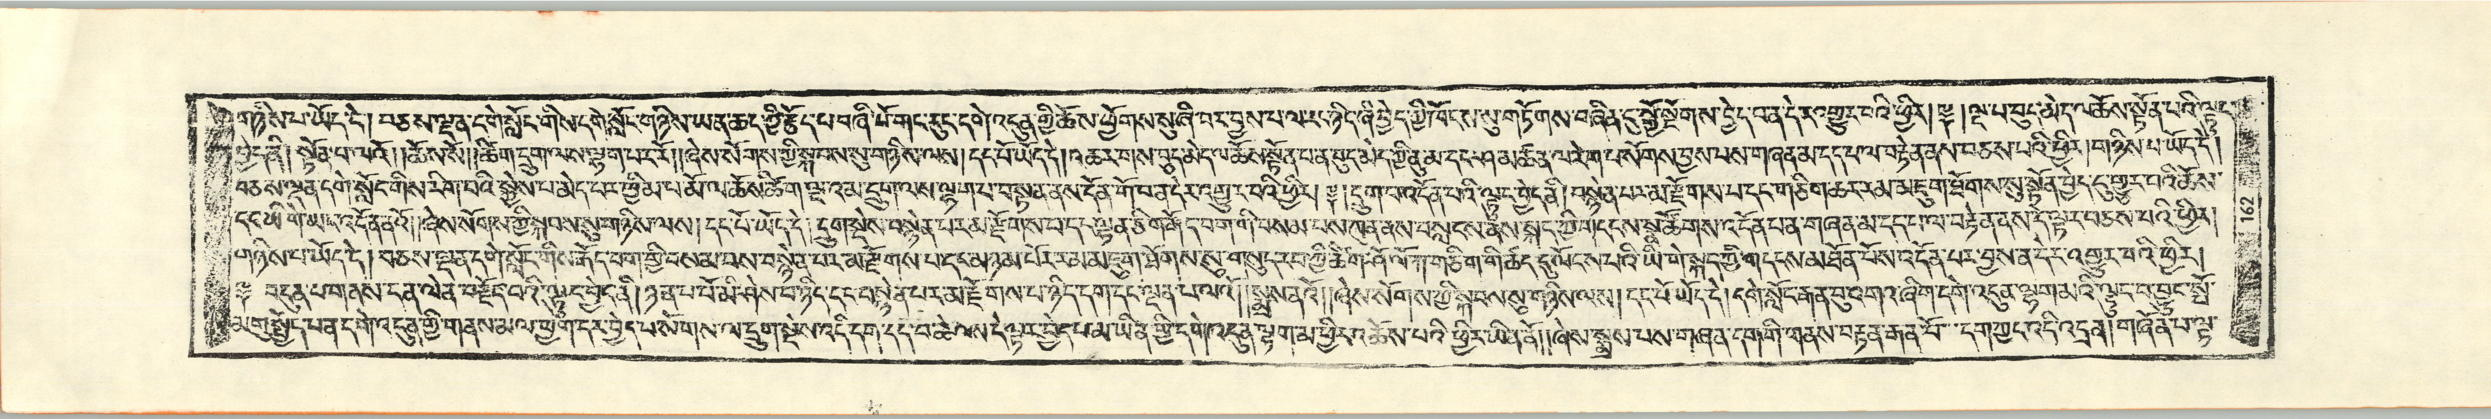གཉིས་པ་ཡོད་དེ། བཅས་ལྡན་དགེ་སློང་གིས་དགེ་སློང་གཉིས་ཡན་ཆད་ཀྱི་རྩོད་པ་བཞི་པོ་གང་རུང་དགེ་འདུན་གྱི་ཆོས་ཕྱོགས་སུ་ཞི་བར་བྱས་པ་ལ་རང་ཉིད་ཞི་བྱེད་ཀྱི་ཁོངས་སུ་གཏོགས་བཞིན་དུ་སྐྱོ་སྔོགས་བྱེད་བ་ན་དེར་འགྱུར་བའི་ཕྱིར། ༈ །ལྔ་པ་བུད་མེད་ལ་ཆོས་སྟོན་པའི་ལྟུང་
བྱེད་ནི། སྟོན་པ་ལའོ། །ཆོས་སོ། །ཚིག་དྲུག་ལས་ལྷག་པར་རོ། །ཞེས་སོགས་ཀྱི་སྐབས་སུ་གཉིས་ལས། དང་པོ་ཡོད་དེ། འཆར་གས་བུད་མེད་ལ་ཆོས་སྟོན་པ་ན་བུད་མེད་ཀྱི་ནུ་མ་དང་ཤ་མཚན་ལ་རེག་པ་སོགས་བྱས་པས་གཞན་མ་དད་པ་ལ་བརྟེན་ནས་བཅས་པའི་ཕྱིར། གཉིས་པ་ཡོད་དེ།
བཅས་ལྡན་དགེ་སློང་གིས་རིག་པའི་སྐྱེས་པ་མེད་པར་ཕྱིམ་པ་མོ་ལ་ཆོས་ཚིག་ལྔ་འམ་དྲུག་ལས་ལྷག་པ་བསྟན་ནས་དོན་གོ་བ་ན་དེར་འགྱུར་བའི་ཕྱིར། ༈ །དྲུག་པ་འདོན་པའི་ལྟུང་བྱེད་ནི། བསྙེན་པར་མ་རྫོགས་པ་དང་གཅིག་ཆར་རམ་མཇུག་ཐོགས་སུ་སྟོན་བྱེད་དུ་གྱུར་བའི་ཆོས་
དང་ཡི་དགེ་ཡང་འདོན་ནའོ། །ཞེས་སོགས་ཀྱི་སྐབས་སུ་གཉིས་ལས། དང་པོ་ཡོད་དེ། དྲུག་སྡེས་བསྙེན་པར་མ་རྫོགས་པ་དང་ལྷན་ཅིག་རྒོད་བག་གི་བསམ་པས་ཀུན་ནས་བསླངས་ནས་སྐད་ཀྱི་གདངས་སྣ་ཚོགས་འདོན་པ་ན་གཞན་མ་དད་པ་ལ་བརྟེན་ནས་དེ་ལྟར་བཅས་པའི་ཕྱིར།
གཉིས་པ་ཡོད་དེ། བཅས་ལྡན་དགེ་སློང་གིས་རྒོད་བག་གྱི་བསམ་པས་བསྙེན་པར་མ་རྫོགས་པ་དང་མཉམ་པོར་རམ་མཇུག་ཐོགས་སུ་གསུང་རབ་ཀྱི་ཚིག་ཤོ་ལོ་ཀ་གཅིག་གི་ཚད་དུ་ལོངས་པའི་ཡི་གེ་སྐད་ཀྱི་གདངས་མཐོན་པོས་འདོན་པར་བྱས་ན་དེར་འགྱུར་བའི་ཕྱིར།
༈ བདུན་པ་གནས་དན་ལེན་བརྗོད་པའི་ལྟུང་བྱེད་ནི། ཉན་པ་པོ་མི་ཤེས་པ་ཉིད་དང་བསྙེན་པར་མ་རྫོགས་པ་ཉིད་དག་དང་ལྡན་པ་ལའོ། །སྨྲས་ནའོ། །ཞེས་སོགས་ཀྱི་སྐབས་སུ་གཉིས་ལས། དང་པོ་ཡོད་དེ། དགེ་སློང་རྒན་བུ་འགའ་ཞིག་དགེ་འདུན་ལྷག་མའི་ལྟུང་བ་བྱུང་སྤོ་
མགུ་སྤྱོད་པ་ན་དགེ་འདུན་གྱི་གནས་མལ་ཕྱག་དར་བྱེད་པ་སོགས་ལ་དྲུག་སྡེས་འདི་དག་དད་བ་ཆེ་ལས་དེ་ལྟར་བྱེད་པ་མ་ཡིན་གྱི་དགེ་འདུན་ལྷག་མ་ཕྱིར་འཆོས་པའི་ཕྱིར་ཡིན་ནོ། །ཞེས་སྨྲས་པས་གཞན་དག་གི་གནས་བརྟན་རྒན་པོ་དག་ཀྱང་འདི་འདྲན། གཞོན་པ་ལྟ་